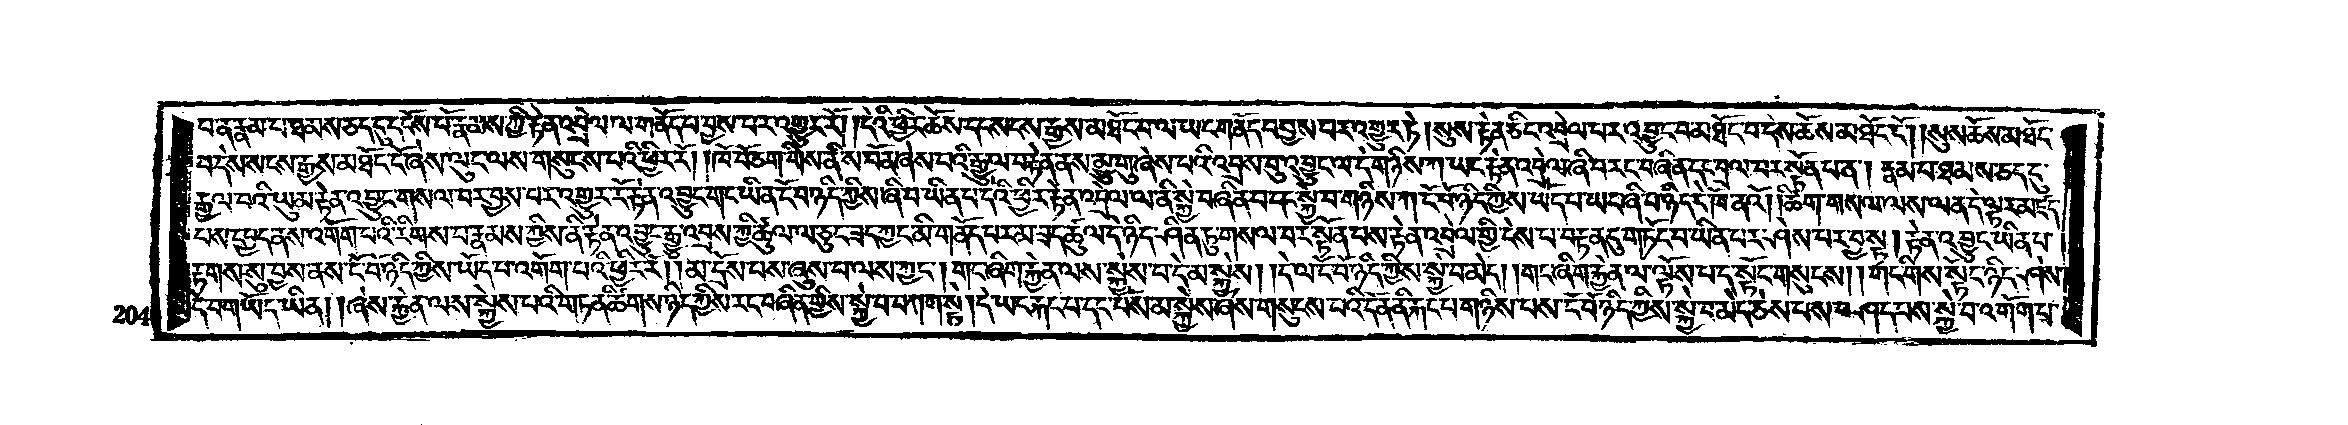པ་ན་རྣམ་པ་ཐམས་ཅད་དུ་དངོས་པོ་རྣམས་ཀྱི་རྟེན་འབྲེལ་ལ་གནོད་པ་བྱས་པར་འགྱུར་རོ། །དེའི་ཕྱིར་ཆོས་དང་སངས་རྒྱས་མཐོང་བ་ལ་ཡང་གནོད་པ་བྱས་པར་འགྱུར་ཏེ། སུས་རྟེན་ཅིང་འབྲེལ་པར་འབྱུང་བ་མཐོང་བ་དེས་ཆོས་མཐོང་ངོ། །སུས་ཆོས་མཐོང་
བ་དེས་སངས་རྒྱས་མཐོང་ངོ་ཞེས་ལུང་ལས་གསུངས་པའི་ཕྱིར་རོ། །ཁོ་བོ་ཅག་གིས་ནི་ས་བོན་ཞེས་པའི་རྒྱུ་ལ་བརྟེན་ནས་མྱུ་གུ་ཞེས་པའི་འབྲས་བུ་འབྱུང་ལ་དེ་གཉིས་ཀ་ཡང་རྟེན་འབྲེལ་ཞི་བ་རང་བཞིན་དང་བྲལ་བར་སྟོན་པ་ན། རྣམ་པ་ཐམས་ཅད་དུ་
རྒྱལ་བའི་ཡུམ་རྟེན་འབྱུང་གསལ་བར་བྱས་པར་འགྱུར་རོ་རྟེན་འབྱུང་གང་ཡིན་ངོ་བ་ཉིད་ཀྱིས་ཞི་བ་ཡིན་པ་དེའི་ཕྱིར་རྟེན་འབྲེལ་ལ་ནི་སྐྱེ་བཞིན་པ་དང་སྐྱེ་བ་གཉིས་ཀ་ངོ་བོ་ཉིད་ཀྱིས་ཡོད་པ་ཡང་ཞི་བ་ཉིད་དེ་ཁོ་ནའོ། །ཚིག་གསལ་ལས་ལན་དེ་ལྟར་མཛད་
པས་དཔྱད་ནས་འགོག་པའི་རིགས་པ་རྣམས་ཀྱིས་ནི་རྟེན་འབྱུང་རྒྱུ་འབྲས་ཀྱི་ཚུལ་ལ་ཅུང་ཟད་ཀྱང་མི་གནོད་པར་མ་ཟད་ཚུལ་དེ་ཉིད་ཤིན་ཏུ་གསལ་བར་སྟོན་པས་རྟེན་འབྲེལ་གྱི་ངེས་པ་བརྟན་དུ་གཏོང་བ་ཡིན་པར་ཤེས་པར་བྱ་སྟེ། རྟེན་འབྱུང་ཡིན་པ་
རྟགས་སུ་བྱས་ནས་ངོ་བོ་ཉིད་ཀྱིས་ཡོད་པ་འགོག་པའི་ཕྱིར་རོ། །མ་དྲོས་པས་ཞུས་པ་ལས་ཀྱང་། གང་ཞིག་རྐྱེན་ལས་སྐྱེས་པ་དེ་མ་སྐྱེས། །དེ་ལ་ངོ་བོ་ཉིད་ཀྱིས་སྐྱེ་བ་མེད། །གང་ཞིག་རྐྱེན་ལ་ལྟོས་པ་ད་སྟོང་གསུངས། །གང་གིས་སྟོང་ཉིད་ཤེས་
དེ་བག་ཡོད་ཡིན། །ཞེས་རྐྱེན་ལས་སྐྱེས་པའི་གཏན་ཚིགས་ཉིད་ཀྱིས་རང་བཞིན་གྱིས་སྐྱེ་བ་བཀག་སྟེ། དེ་ཡང་རྐང་པ་དང་པོས་མ་སྐྱེས་ཞེས་གསུངས་པའི་དོན་ནི་རྐང་པ་གཉིས་པས་ངོ་བོ་ཉིད་ཀྱིས་སྐྱེ་བ་མེད་ཅེས་པས་བཤད་པས་སྐྱེ་བ་འགོག་པ་